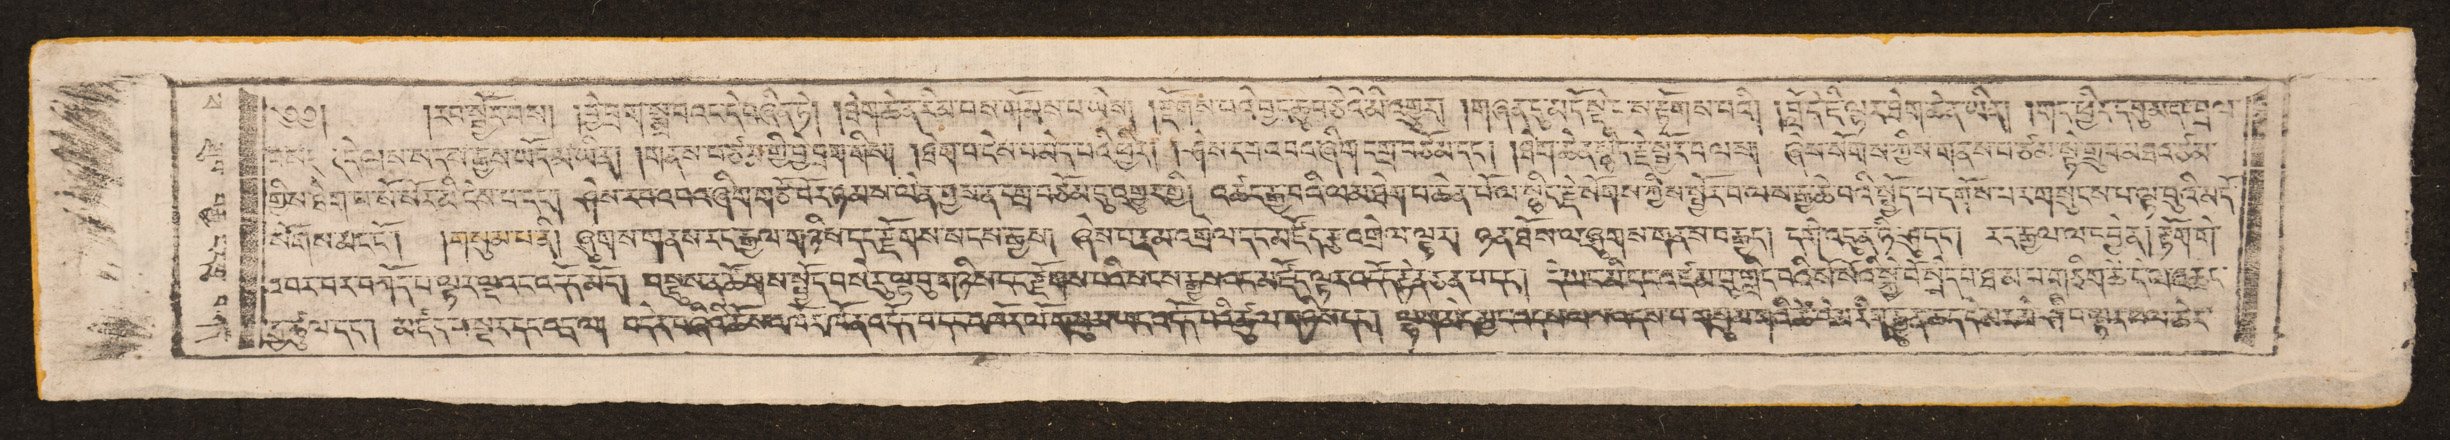༄༅། །རབ་སྦྱོར་བས། །བྱེ་བྲག་སྨྲ་བའང་དེ་བཞིན་ཏེ། །ཐེག་ཆེན་རིམ་བས་གོམས་པ་ཡིས། །རྫོགས་པའི་བྱང་ཆུབ་ཅིའི་མི་འགྱུར། །གཞན་དུ་མདོ་སྡེ་བས་རྟོགས་པའི། །བློ་དེ་ཇི་ལྟར་ཐེག་ཆེན་ཡིན། །གང་ཕྱིར་དབུ་མ་དང་བྲལ་
བས༑ ༑དེ་ལས་སངས་རྒྱས་ཡོད་མ་ཡིན། །གནས་པ་ཙམ་གྱི་བྱེ་བྲག་གིས། །ཐེག་པ་ངེས་བ་མེད་པའི་ཕྱིར། །ཤེས་རབ་འབའ་ཞིག་དགྲ་བཅོམ་དང་། །ཐེག་ཆེན་སྙིང་རྗེ་སྦྱོར་བ་ལས། ཞེས་སོགས་ཀྱིས་གནས་བཙམ་སྟེ་གྲུབ་མཐའ་ཙམ་
གྱིས་ཐེག་པ་སོ་སོར་མི་ངེས་བ་དང་། ཤེས་རབ་འབའ་ཞིག་གཙོ་བོར་ཉམས་ལེན་བྱས་ན་དགྲ་བཅོམ་དུ་འགྱུར་གྱི། འཚང་རྒྱ་བའི་ལམ་ཐེག་པ་ཆེན་པོ་ལ་སྙིང་རྗེ་སོགས་ཀྱིས་སྦྱོར་བ་ལས་རྒྱ་ཆེ་བའི་སྤྱོད་པ་དགོས་པར་གསུངས་པ་ལྟ་བུའི་མདོ་
སོགས་མང་ངོ། །གསུམ་པ་ནི། ཞུགས་གནས་རང་རྒྱལ་གཉིས་དང་རྫོགས་སངས་རྒྱས། ཞེས་པ་རྣམ་འགྲེལ་དང་མཛོད་རྩ་འགྲེལ་ལྟར། ཉན་ཐོས་ལ་ཞུགས་གནས་བརྒྱད། དགེ་འདུན་ཉི་ཤུ་དང་། རང་རྒྱལ་ལ་དབྱེ་ན། རྟོག་གེ་
འབར་བར་བཀོད་པ་ལྟར་ལྔའང་འདོད་མོད། བསྡུས་ན་ཚོགས་སྤྱོད་བསེ་རུ་ལྟ་བུ་གཉིས་དང་རྫོགས་པའི་སངས་རྒྱས་འང་མཛོད་ལྟར་འདོད་རྟེན་ཅན་པ་དང་། དེ་ཡང་མི་དང་འཛམ་བུ་གླིང་བའི་སོ་སོའི་སྐྱེ་བོ་སྲིད་བ་ཐ་མ་པ་གཅིག་ཚེ་དེ་ལ་འཚང་
རྒྱ་ཚུལ་དང་། མཛད་པ་སྔར་དང་འདྲ་ལ། བདེར་བཞིའི་ཆོས་འཁོར་ཁོ་ན་འདོད་བ་དང་འཁོར་ལོ་གསུམ་ཡང་འདོད་བའི་ཚུལ་གཉིས་དང་། ལྷག་མེད་མྱང་འདས་ལས་འདས་པ་གསུམ་གའི་ཚེ་བེམ་རིག་རྒྱུན་ཆད་དེ་མར་མེ་ཤི་བ་ལྟར་ཕལ་ཆེར་